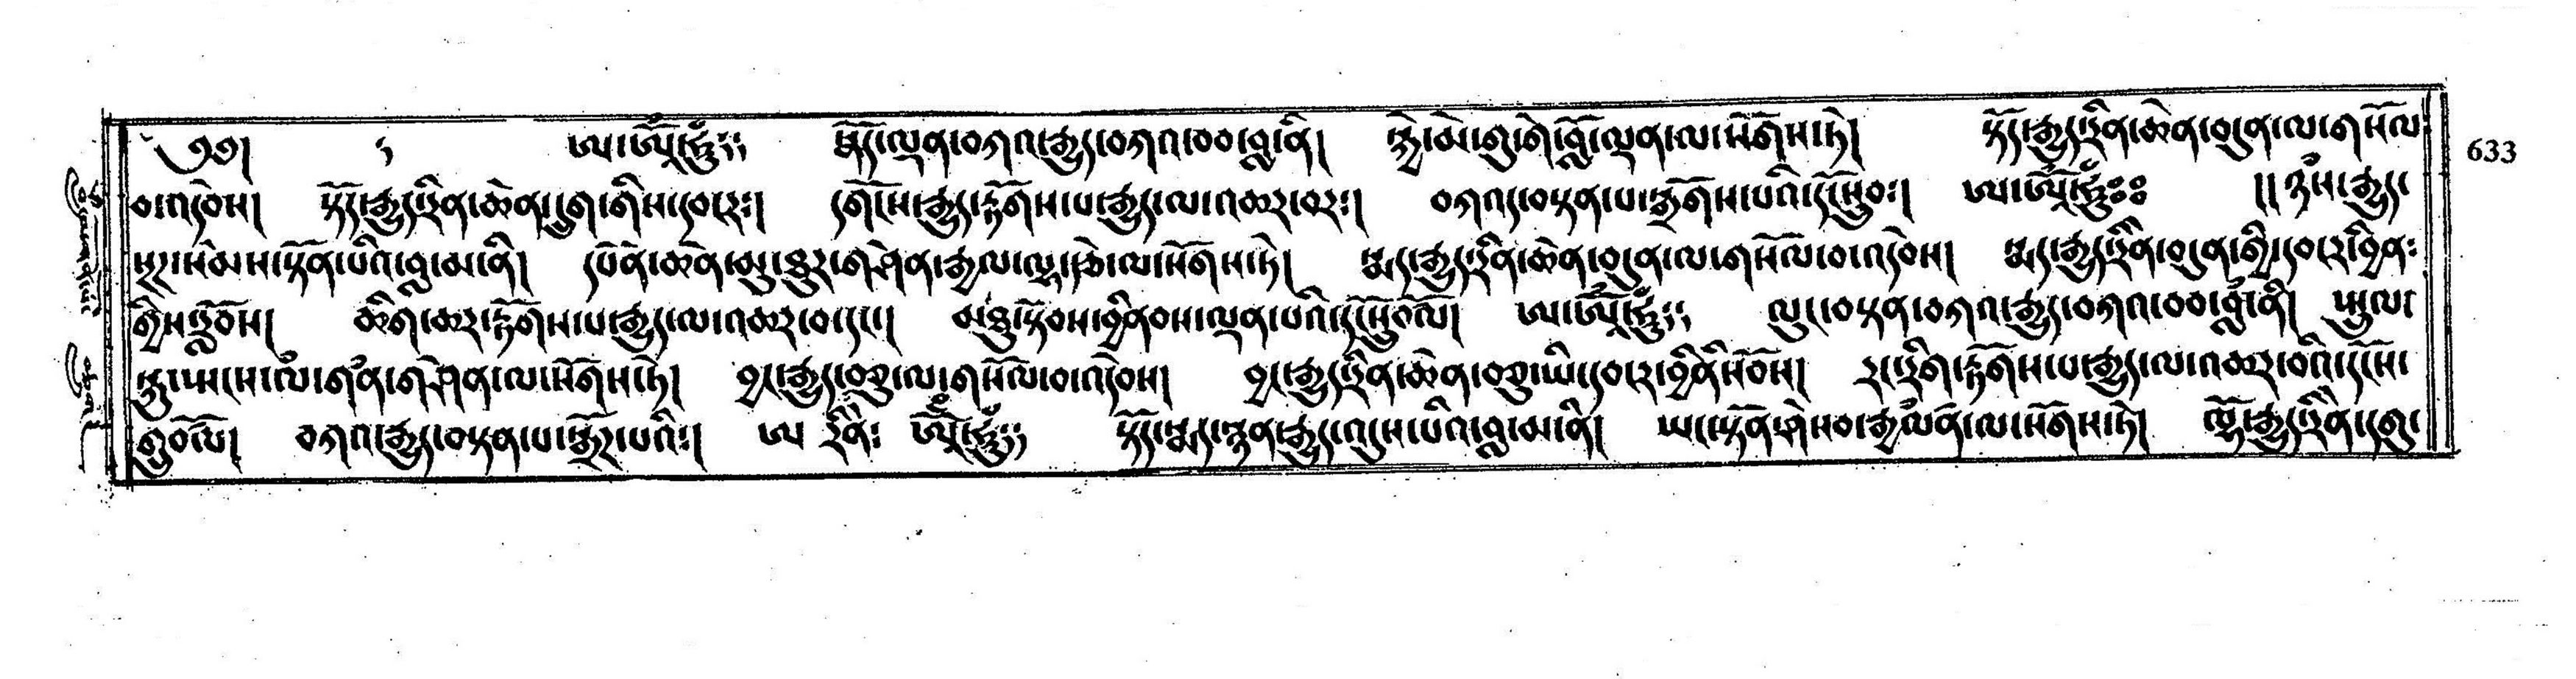ཨ་ཨཱོཾ་ཧཱུཾ།། སྣོད་ལྡན་བཀའ་རྒྱུད་བཀའ་བབ་བླ་མ་ནི། སྐྱེ་མེད་གུ་གེ་བློ་ལྡན་ལ་སོགས་ཏེ། སྟོད་རྒྱུད་རིག་འཛིན་བདུན་ལ་གསོལ་
བ་འདེབས། སྟོད་རྒྱུད་རིག་འཛིན་དྲུག་གིས་དབང་བསྐུར༴། དགོངས་རྒྱུད་རྟོགས་པ་རྒྱུད་ལ་འཆར་བར༴། བཀའ་རྒྱུད་བསྟན་པ་སྒྲོགས་པའི་དངོས་གྲུབ༴། ཨ་ཨཱོཾ་ཧཱུཾཿ༔ །།ཉམས་རྒྱུད་
སྔགས་སེམས་སྟོན་པའི་བླ་མ་ནི། དཔོན་ཆེན་མུ་ཐུར་གཤེན་རྒྱལ་ལྷ་རྩེ་ལ་སོགས་ཏེ། སྨད་རྒྱུད་རིག་འཛིན་བདུན་ལ་གསོལ་བ་འདེབས། སྨད་རྒྱུད་རིག་འཛིན་བདུན་གྱི་དབང་བསྐུར་བྱིན་
གྱིས་རློབས། ཆིག་ཆར་རྟོགས་པ་རྒྱུད་ལ་འཆར་བ་དང་། མཐུ་སྟོབས་བྱིན་རླབས་ལྡན་པའི་དངོས་གྲུབ་སྩོལ། ཨ་ཨཱོཾ་ཧཱུཾ ལུང་བསྟན་བཀའ་རྒྱུད་བཀའ་བབ་བླ་མ་ནི། སྤྲུལ་
སྐུ་སྤངས་ལ་གནམ་གཤེན་ལ་སོགས་ཏེ། བྱང་རྒྱུད་རིག་འཛིན་བཅུ་ལ་གསོལ་བ་འདེབས། བྱང་རྒྱུད་རིག་འཛིན་བཅུ་ཡི་དབང་བསྐུར་བྱིན་གྱིས་རློབས། རང་རིག་རྟོགས་པ་རྒྱུད་ལ་འཆར་བའི་དངོས་
གྲུབ་སྩོལ། བཀའ་རྒྱུད་བསྟན་པ་སྒྲོགས་པའི༴། ཨ་རིན་ཆེན༴ ཨཱོཾ་ཧཱུཾ སྟོད་སྨད་སྙན་རྒྱུད་འདུས་པའི་བླ་མ་ནི། ཡང་སྟོན་ཤེས་རབ་རྒྱལ་མཚན་ལ་སོགས་ཏེ། ལྷོ་རྒྱུད་རིག་འཛིན་